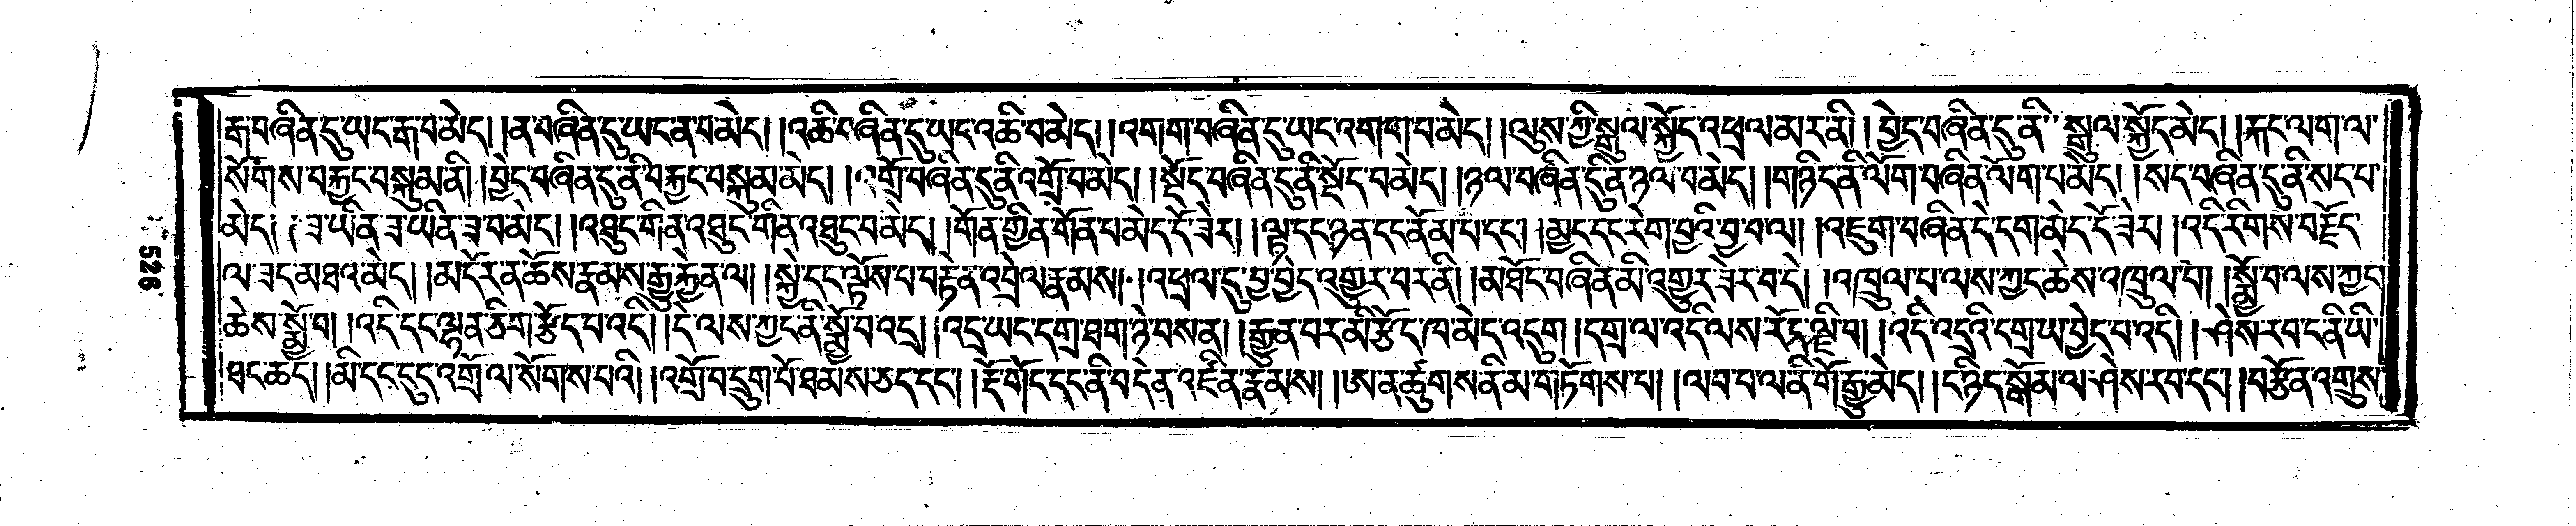རྒ་བཞིན་དུ་ཡང་རྒ་བ་མེད། །ན་བཞིན་དུ་ཡང་ན་བ་མེད། །འཆི་བཞིན་དུ་ཡང་འཆི་བ་མེད། །འགག་བཞིན་དུ་ཝང་འགག་པ་མེད། །ལུས་ཀྱི་སྒུལ་སྐྱོད་འཕྲལ་མར་ནི། །བྱེད་བཞིན་དུ་ནི་སྒུལ་སྐྱོད་མེད། སྐང་ལག་ལ་
སོགས་བརྐྱང་མྶྐུམ་ནི། །བྱེད་བཞིན་དུ་ནི་བརྐང་བསྐུམ་མེད། །འགྲོ་བཞིན་དུ་ནི་འགྲོ་བ་མེད། །སྡོད་བཞིན་དུ་ནི་སྡོད་པ་མེད། །ཉལ་བཞིན་དུ་ནི་ཉལ་བ་མེད། །གཉིད་ནི་ལོག་བཞིན་ལོག་པ་མེད། །སད་བཞིན་དུ་ནི་སད་པ་
མེད༑ ༑ཟ་ཡིན་ཟ་ཡིན་ཟ་བ་མེད། །འཐུང་གི་ན་འཐུང་ག་ནི་?་འཐུང་བ་མེད། །གོན་གྱིན་གོན་པ་མེད་དོ། ཟེར། །ལྟ་དང་ཉན་དང་ནོམ་པ་དང་། །མྱང་དང་རེག་བྱའི་བ་བ་ལ། །འཇུག་བཞིན་དེ་དག་མེད་དོ་ཟེར། །འདི་རིགས་བརྗོད་
ལ་ཟད་མཐའ་མེད། །མདོར་ན་ཆོས་རྣམས་རྒྱུ་རྐྱེན་ལ། །སྐྱེ་དང་ལྟོས་པ་བརྟེན་འབྲེལ་རྣམས། །འཕྲལ་དུ་བྱ་བྱེད་འགྱུར་བར་ནི། །མཐོང་བཞིན་མི་འགྱུར་ཟེར་བ་དེ། །འཁྲུལ་པ་ལས་ཀྱང་ཆེས་འཁྲུལ་པ། །སྨྱོ་བ་ལས་ཀྱང་
ཆེས་སྨྱོ་བ། །འདི་དང་ལྷན་ཅིག་རྩོད་པ་འདི། །དེ་ལས་ཀྱང་ནི་སྨྱོ་བ་འདྲ། །འདྲ་ཡང་དགྲ་ཐག་ཉེ་བས་ན། །རྒྱུན་པར་མི་རྩོད་ཁ་མེད་འདུག །དགྲ་ལ་འདི་ལས་རོད་ལྗི་བ། །འདི་འདྲའི་དགྲ་ཡ་བྱེད་པ་འདི། །ཤེས་རབ་ང་ནི་ཡི་
ཐང་ཆད། །མི་དང་དུད་འགྲོ་ལ་སོགས་པའི། །འགྲོ་བ་དྲུག་པོ་ཐམས་ཅད་དང་། །རྡོ་གོང་དང་ནི་བདེན་འཛིན་རྣམས། །ཨ་ན་ཚུགས་ནི་མ་གཏོགས་པ། །ལབ་པ་ལ་ནི་གོ་རྒྱུ་མེད། །ང་ཉིད་སྒོམ་ལ་ཤེས་རབ་དང་། །བརྩོན་འགྲུབ་